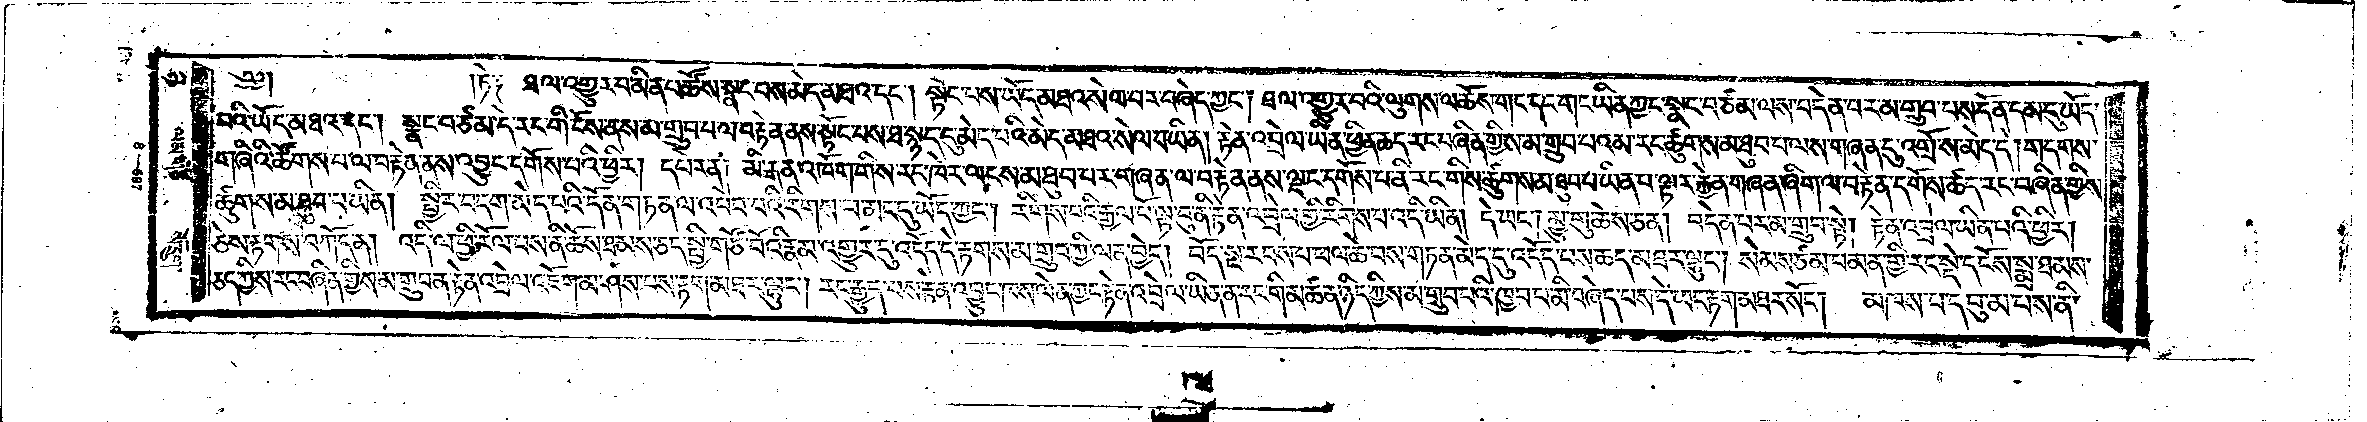༄༅། །ཏེ༑ ཐལ་འགྱུར་བ་མིན་པ་ཚོས་སྣང་བས་མེད་མཐའ་དང་། སྟོང་པས་ཡོད་མཐའ་སེལ་བར་བཞེད་ཀྱང་། ཐལ་འགྱུར་བའི་ལུགས་ལ་ཆོས་གང་དང་གང་ཡིན་ཀྱང་སྣང་བ་ཙམ་ལས་བདེན་པར་མ་གྲུབ་པས་དོན་དམ་དུ་ཡོད་
པའི་ཡོད་མཐའ་དང་། སྣང་བ་ཙམ་དེ་རང་གི་ངོས་ནས་མ་གྲུབ་པ་ལ་བརྟེན་ནས་སྟོང་པས་ཐ་སྙད་དུ་མེད་པའི་མེད་མཐའ་སེལ་བ་ཡིན། རྟེན་འབྲེལ་ཡིན་ཕྱིན་ཆད་རང་བཞིན་གྱིས་མ་གྲུབ་པའམ་རང་ཚུགས་མ་ཐུབ་པ་ལས་གཞན་དུ་འགྲོ་ས་མེད་དེ། གདགས་
གཞིའི་ཚོགས་པ་ལ་བརྟེན་ནས་འབྱུང་དགོས་པའི་ཕྱིར། དཔེར་ན། མི་རྒན་འཁོག་གིས་རང་ཁེར་ལངས་མ་ཐུབ་པར་གཞན་ལ་བརྟེན་ནས་ལྡང་དགོས་པ་ནི་རང་གིས་ཚུགས་མ་ཐུབ་པ་ཡིན་པ་ལྟར་རྐྱེན་གཞན་ཞིག་ལ་བརྟེན་དགོས་ཚད་རང་བཞིན་གྱིས་
ཚུགས་མ་ཐུབ་པ་ཡིན། སྤྱིར་བདག་མེད་པའི་དོན་གཏན་ལ་འབེབ་པའི་རིགས་པ་མང་དུ་ཡོད་ཀྱང་། རིགས་པའི་རྒྱལ་པོ་ལྟ་བུ་ནི་རྟེན་འབྲེལ་གྱི་རིགས་པ་འདི་ཡིན། དེ་ཡང་། མྱུ་གུ་ཆོས་ཅན། བདེན་པར་མ་གྲུབ་སྟེ། རྟེན་འབྲེལ་ཡིན་པའི་ཕྱིར།
ཅེས་རྟགས་བཀོད་ན། འདི་ལ་ཕྱི་རོལ་པས་ནི་ཆོས་ཐམས་ཅད་སྤྱི་གཙོ་བོའི་རྣམ་འགྱུར་དུ་འདོད་དེ་རྟགས་མ་གྲུབ་ཀྱི་ལན་བྱེད། བོད་སྔ་རབས་པ་ཕལ་ཆེ་བས་གཏན་མེད་དུ་འདོད་པས་ཆད་མཐར་ལྷུང་། སེམས་ཙམ་པ་མན་གྱི་རང་སྡེ་དངོས་སྨྲ་ཐམས་
ཅད་ཀྱིས་རང་བཞིན་གྱིས་མ་གྲུབ་ན་རྟེན་འབྲེལ་འཇོག་མ་ཤེས་པས་རྟག་མཐར་ལྷུང་། རང་རྒྱུད་པས་རྟེན་འབྱུང་ཁས་ལེན་ཀྱང་རྟེན་འབྲེལ་ཡིན་ན་རང་གི་མཚན་ཉིད་ཀྱིས་མ་གྲུབ་པའི་ཁྱབ་པ་མི་བཞེད་པས་དེ་ཡང་རྟག་མཐར་སོང་། མཁས་པ་དབུ་མ་པས་ནི་